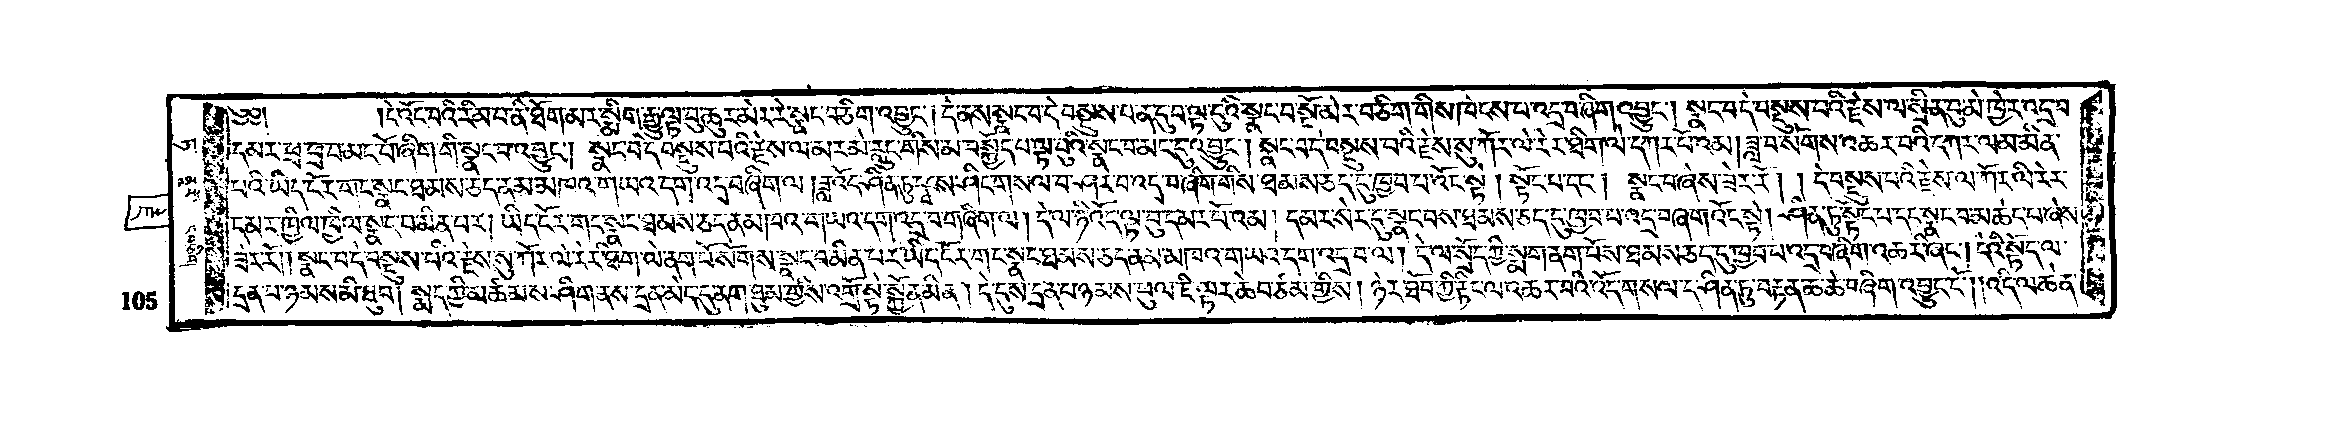༄༅། །དེ་འོང་བའི་རིམ་པ་ནི་ཐོག་མར་སྨིག་རྒྱུ་ལྟ་བུ་ཆུར་མེར་རེ་སྣང་བ་ཅིག་འབྱུང་། དེ་ནས་སྣང་བ་དེ་བསྡུས་པ་ན་དུ་བ་ལྟ་བུའི་སྣང་བ་སྔོ་མེར་བ་ཅིག་གིས་ཁེངས་པ་འདྲ་བ་ཞིག་འབྱུང་། སྣང་བ་དེ་བསྡུས་པའི་རྗེས་ལ་སྲིན་བུ་མེ་ཁྱེར་འདྲ་བ་
དམར་ཕྲ་ཕྲ་བ་མང་པོ་ཞིག་གི་སྣང་བ་འབྱུང་། སྣང་བ་དེ་བསྡུས་པའི་རྗེས་ལ་མར་མེ་རླུང་གིས་མ་བསྐྱོད་པ་ལྟ་བུའི་སྣང་བ་མང་དུ་འབྱུང་། སྣང་བ་དེ་བསྡུས་པའི་རྗེས་སུ་ཀོར་ལེ་རེར་ཐིག་ལེ་དཀར་པོ་འམ། ཟླ་བ་སོགས་འཆར་བའི་དཀར་ལམ་མིན་
པའི་ཡིད་ངོར་གང་སྣང་ཐམས་ཅད་ནམ་མཁའ་གཡའ་དག་འདྲ་བ་ཞིག་ལ། ཟླ་འོད་ཤིན་ཏུ་དྭངས་ཤིང་གསལ་བ་ཤར་བ་འདྲ་བ་ཞིག་གིས་ཐམས་ཅད་དུ་ཁྱབ་པ་འོང་སྟེ། སྟོང་པ་དང་། སྣང་བ་ཞེས་ཟེར་རོ། །དེ་བསྡུས་པའི་རྗེས་ལ་ཀོར་ལེ་རེར་
དམར་ཁྱིལ་ཁྱིལ་སྣང་བ་མིན་པར། ཡིད་ངོར་གང་སྣང་ཐམས་ཅད་ནམ་མཁའ་གཡའ་དག་འདྲ་བ་གཞིག་ལ། དེ་ལ་ཉི་འོང་ལྟ་བུ་དམར་པོ་འམ། དམར་སེར་དུ་སྣང་བས་ཐམས་ཅད་དུ་ཁྱབ་པ་འདྲ་བཞག་འོང་སྟེ། ཤིན་ཏུ་སྟོང་པ་དང་སྣང་བ་མཆེད་པ་ཞེས་
ཟེར་རོ། །སྣང་བ་དེ་བསྡུས་པའི་རྗེས་སུ་ཀོར་ལེ་རེར་ཐིག་ལེ་ནག་པོ་སོགས་སྣང་བ་མིན་པར་ཡིད་ངོར་གང་སྣང་ཐམས་ཅད་ནམ་མཁའ་གཡའ་དག་འདྲ་བ་ལ། དེ་ལ་སྲོད་ཀྱི་སྨག་ནག་པོས་ཐམས་ཅད་དུ་ཁྱབ་པ་འདྲ་བ་ཞིག་འཆར་ཞིང་། དེའི་སྟོད་ལ་
དྲན་པ་ཉམས་མི་ཐུབ། སྨད་ཀྱི་མཚམས་ཤིག་ནས་དྲན་མེད་དུ་ནག་ཐུམ་གྱིས་འགྲོ་སྟེ་སྐྱོན་མིན། དེ་དུས་དྲན་པ་ཉམས་ཕུལ་ཇི་ལྟར་ཆེ་བ་ཙམ་གྱིས། ཉེར་ཐོབ་ཀྱི་རྟིང་ལ་འཆར་བའི་འོད་གསལ་དེ་ཤིན་ཏུ་བརྟན་ཆ་ཆེ་བ་ཞིག་འབྱུང་ངོ། །འདི་ལ་ཆེན་